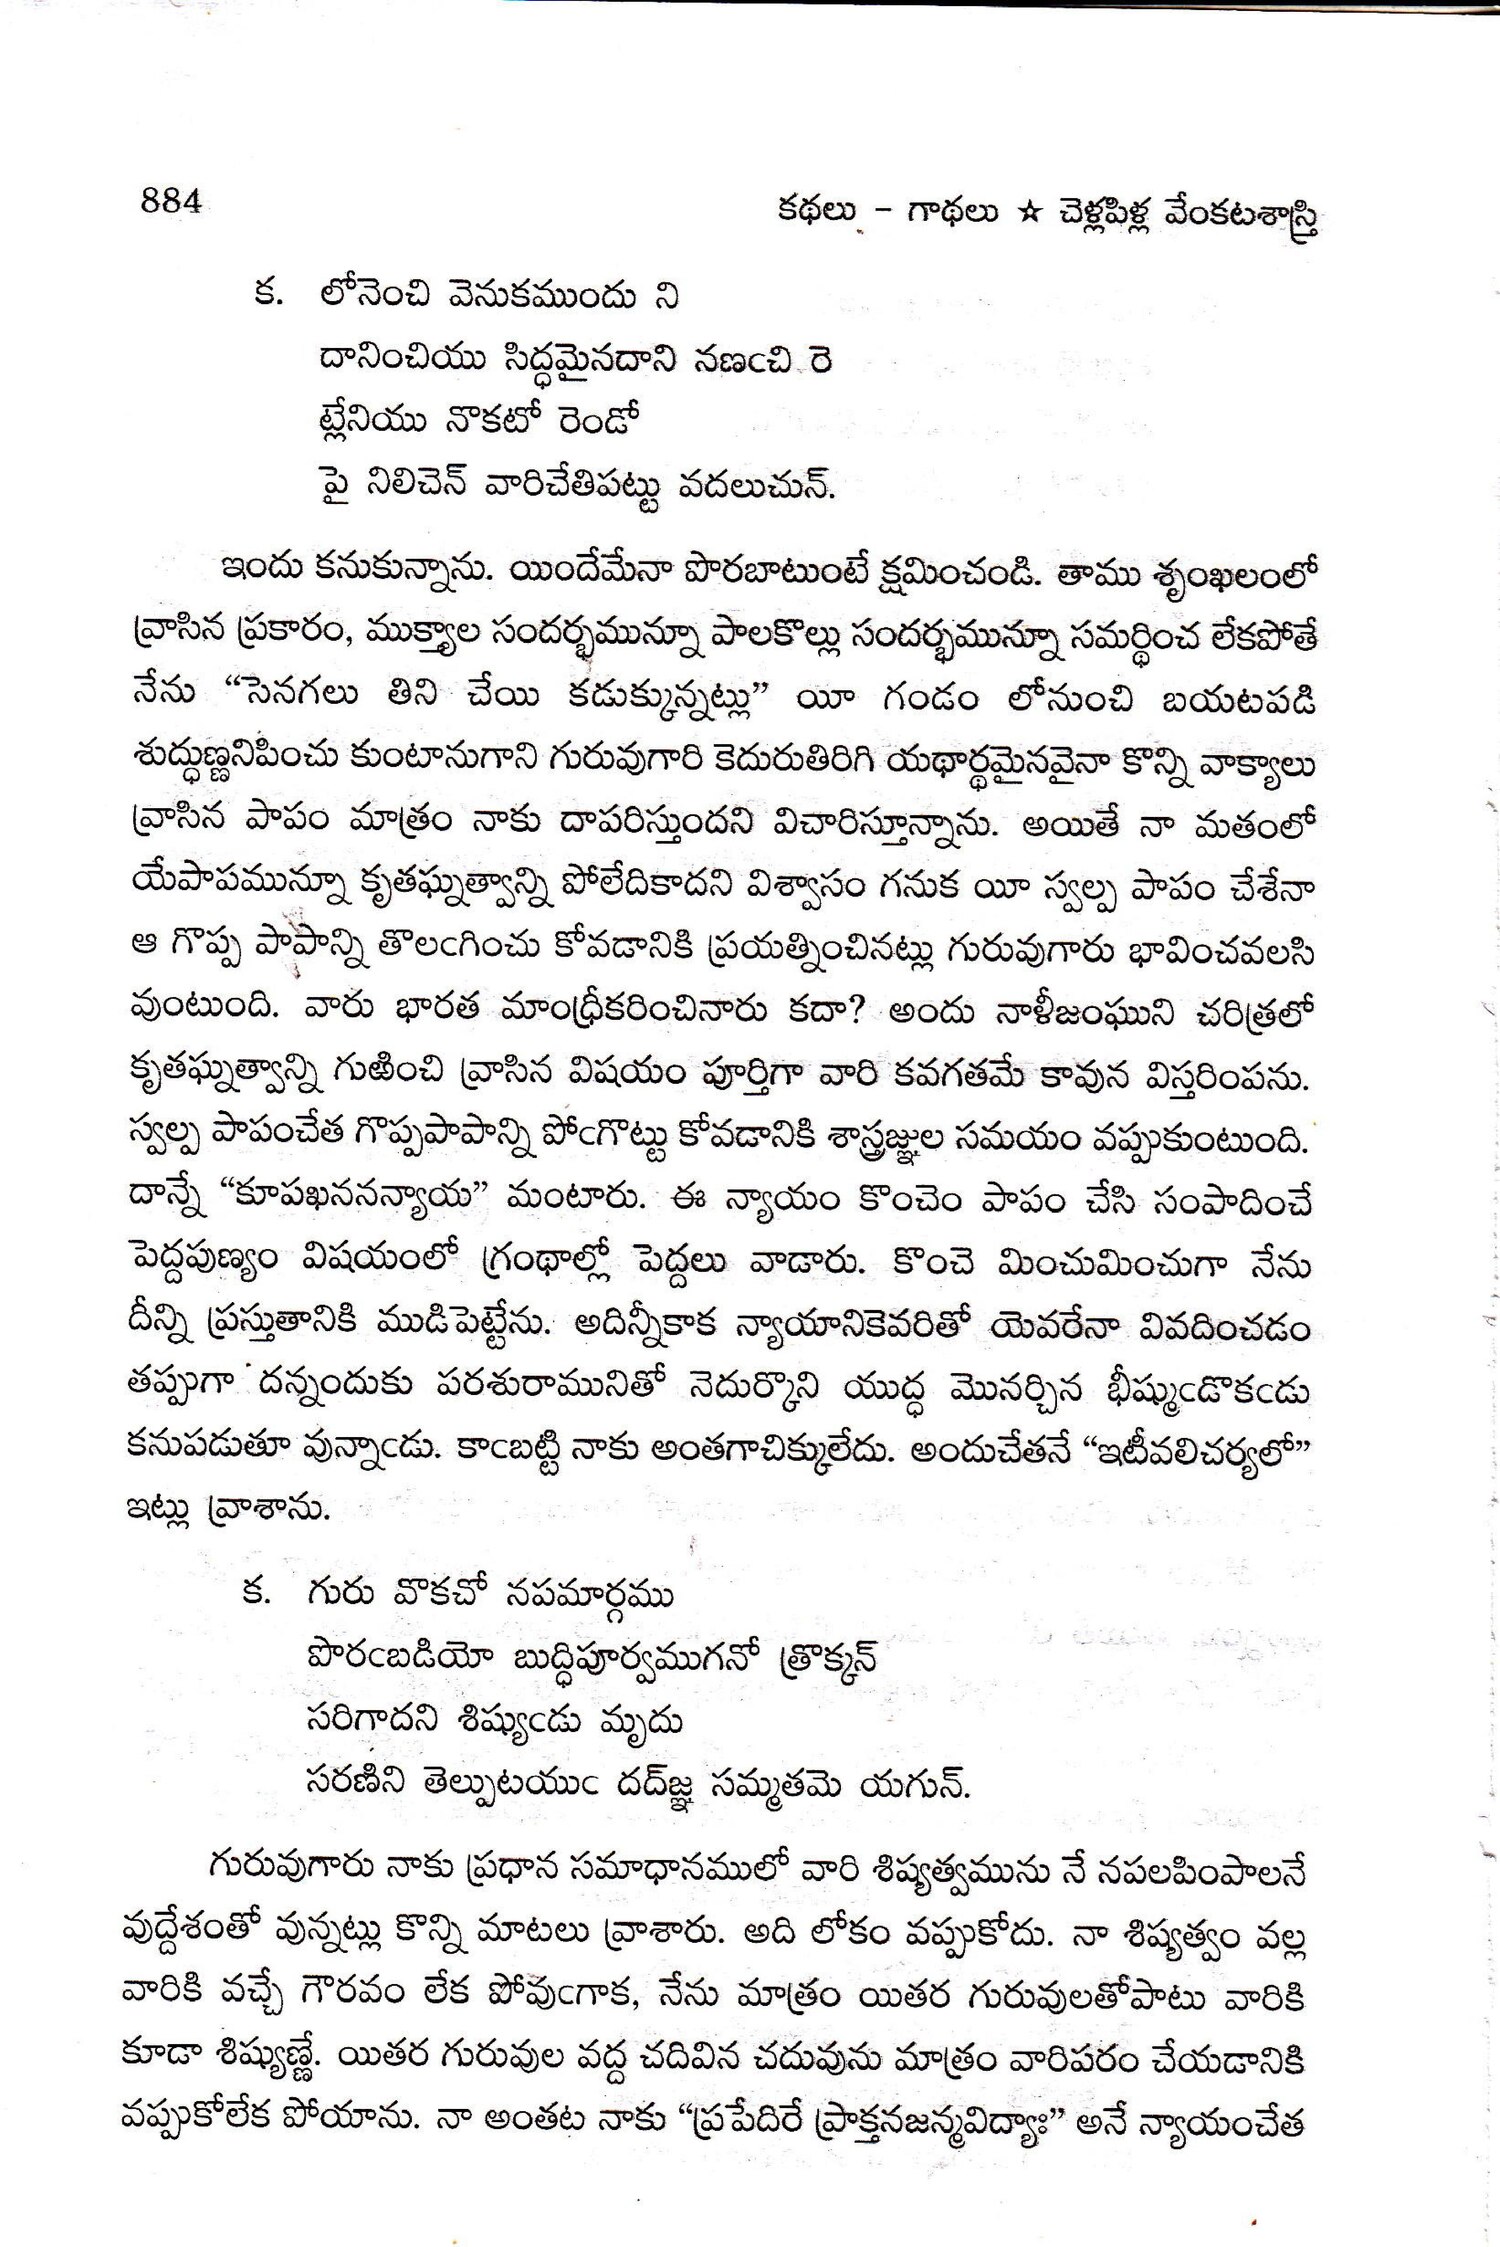క. లోనెంచి వెనుకముందు ని
 దానించియు సిద్ధమైనదాని నణఁచి రె 
 ట్లేనియు నొకటో రెండో 
 పై నిలిచెన్ వారిచేతిపట్టు వదలుచున్,
ఇందు కనుకున్నాను. యిందేమేనా పొరబాటుంటే క్షమించండి. తాము శృంఖలంలో వ్రాసిన ప్రకారం, ముక్త్యాల సందర్భమున్నూ పాలకొల్లు సందర్భమున్నూ సమర్ధించ లేకపోతే నేను "సెనగలు తిని చేయి కడుక్కున్నట్లు" యీ గండం లోనుంచి బయటపడి శుద్దుణ్ణనిపించు కుంటానుగాని గురువుగారి కెదురుతిరిగి యథార్థమైనవైనా కొన్ని వాక్యాలు వ్రాసిన పాపం మాత్రం నాకు దాపరిస్తుందని విచారిస్తూన్నాను. అయితే నా మతంలో యేపాపమున్నూ కృతఘ్నత్వాన్ని పోలేదికాదని విశ్వాసం గనుక యీ స్వల్ప పాపం చేశేనా ఆ గొప్ప పాపాన్ని తొలగించు కోవడానికి ప్రయత్నించినట్లు గురువుగారు భావించవలసి వుంటుంది. వారు భారత మాంద్రీకరించినారు కదా? అందు నాళీజంఘుని చరిత్రలో కృతఘ్నత్వాన్ని గుఱించి వ్రాసిన విషయం పూర్తిగా వారి కవగతమే కావున విస్తరింపను. స్వల్ప పాపంచేత గొప్పపాపాన్ని పోఁగొట్టుకోవడానికి శాస్త్రజ్ఞుల సమయం వప్పుకుంటుంది. దాన్నే “కూపఖననన్యాయ" మంటారు. ఈ న్యాయం కొంచెం పాపం చేసి సంపాదించే పెద్దపుణ్యం విషయంలో గ్రంథాల్లో పెద్దలు వాడారు. కొంచె మించుమించుగా నేను దీన్ని ప్రస్తుతానికి ముడిపెట్టేను. అదిన్నీకాక న్యాయానికెవరితో యెవరేనా వివదించడం తప్పుగా దన్నందుకు పరశురామునితో నెదుర్కొని యుద్ధ మొనర్చిన భీష్ముఁడొకఁడు కనుపడుతూ వున్నాఁడు. కాఁబట్టి నాకు అంతగాచిక్కులేదు. అందుచేతనే “ఇటీవలిచర్యలో" ఇట్లు వ్రాశాను. 

క గురు వొకచో నపమార్గము 
 పొరఁబడియో బుద్ధిపూర్వముగనో త్రొక్కన్ 
 సరిగాదని శిష్యుఁడు మృదు 
 సరణిని తెల్పుటయుఁ దద్‌జ్జ సమ్మతమె యగున్.
గురువుగారు నాకు ప్రధాన సమాధానములో వారి శిష్యత్వమును నే నపలపింపాలనే వుద్దేశంతో వున్నట్లు కొన్ని మాటలు వ్రాశారు. అది లోకం వప్పుకోదు. నా శిష్యత్వం వల్ల వారికి వచ్చే గౌరవం లేక పోవుఁగాక, నేను మాత్రం యితర గురువులతోపాటు వారికి కూడా శిష్యుణ్ణే. యితర గురువుల వద్ద చదివిన చదువును మాత్రం వారిపరం చేయడానికి వప్పుకోలేక పోయాను. నా అంతట నాకు “ప్రపేదిరే ప్రాక్తనజన్మవిద్యాః" అనే న్యాయంచేత